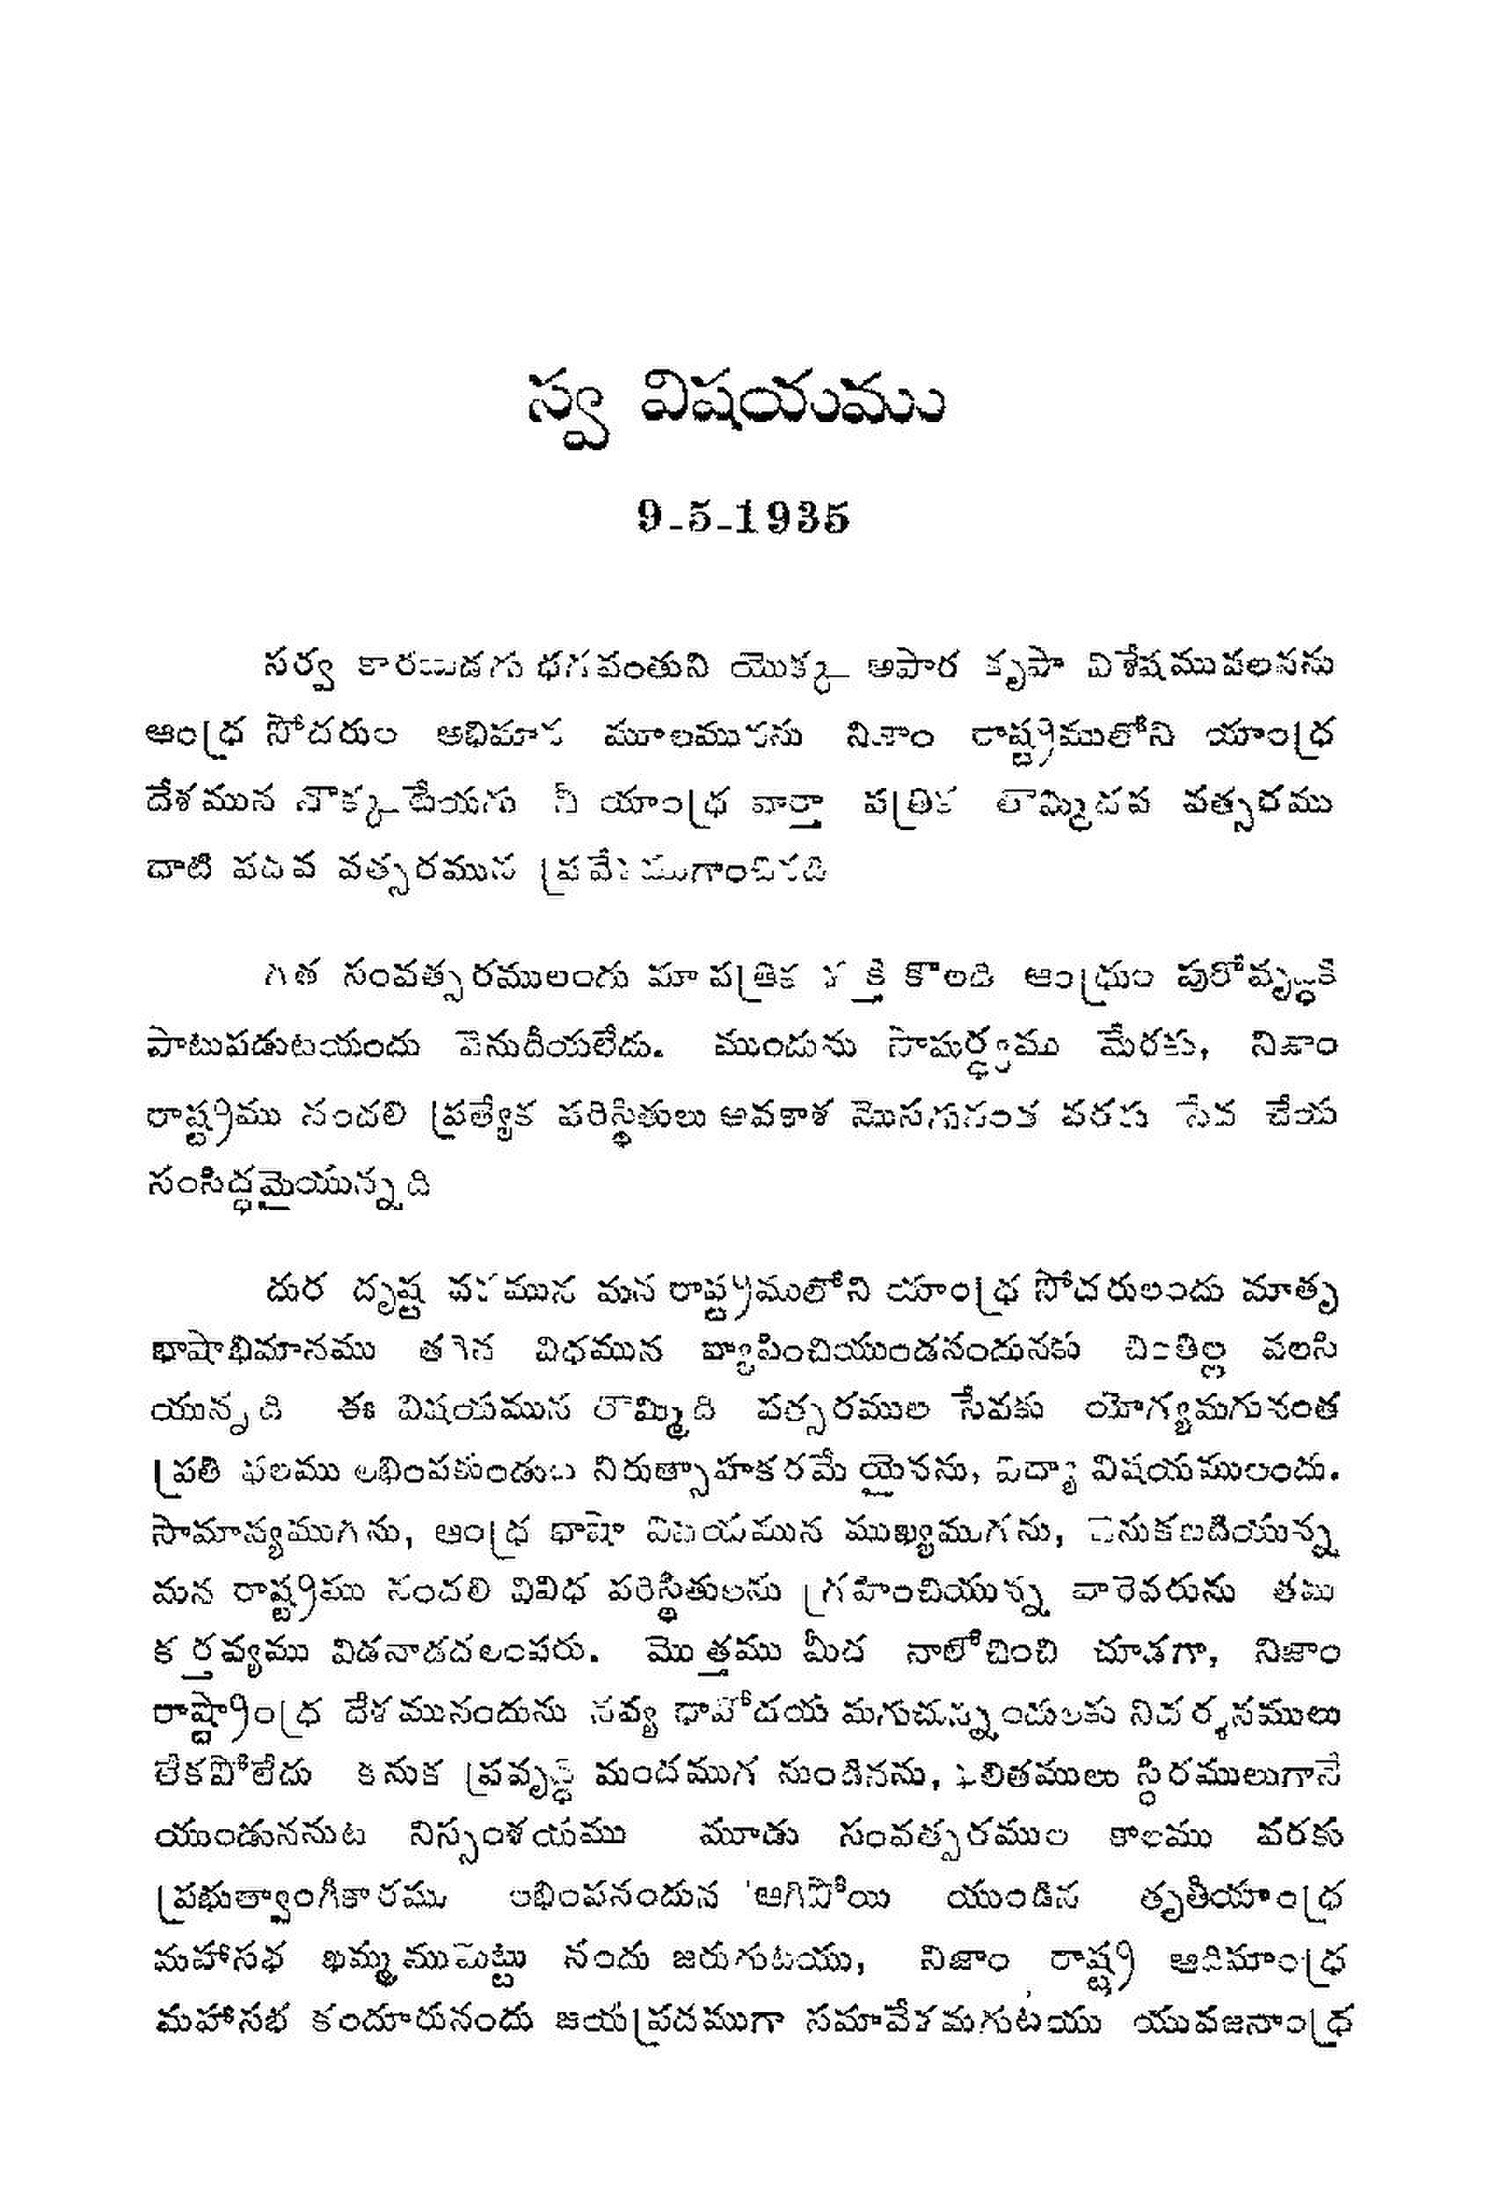స్వ విషయము

9 - 5 - 1935

సర్వ కారణుడగు భగవంతుని యొక్క అపార కృపా విశేషమువలనను ఆంధ్ర సోదరుల అభిమాన మూలమునను నిజాం రాష్ట్రములోని యాంధ్ర దేశమున నొక్కటేయగు నీ యాంధ్ర వార్తా పత్రిక తొమ్మిదవ వత్సరము దాటి పదివ వత్సరమున ప్రవేశముగాంచినది

గత సంవత్సరములందు మా పత్రిక శక్తి కొలది ఆంధ్రుల పురోవృద్ధికి పాటుపడుటయందు వెనుదీయలేదు. ముందును సామర్థ్యము మేరకు, నిజాం రాష్ట్రము నందలి ప్రత్యేక పరిస్థితులు అవకాశ మొసగునంత వరస సేవ చేయ సంసిద్ధమైయున్నది

దుర దృష్ట వశమున మన రాష్ట్రములోని యాంధ్ర సోదరులందు మాతృభాషాభిమానము తగిన విధమున వ్యాపించియుండనందునకు చింతిల్ల వలసియున్నది ఈ విషయమున తొమ్మిది వత్సరముల సేవకు యోగ్యమగునంత ప్రతి ఫలము లభింపకుండుట నిరుత్సాహకరమే యైనను, విద్యా విషయములందు. సామాన్యముగను, ఆంధ్ర భాషా విషయమున ముఖ్యముగను, వెనుకబడియున్న మన రాష్ట్రము నందలి వివిధ పరిస్థితులను గ్రహించియున్న వారెవరును తమకర్తవ్యము విడనాడదలంపరు. మొత్తము మీద నాలోచించి చూడగా, నిజాం రాష్ట్రాంధ్ర దేశమునందును నవ్య భావోదయ మగుచున్నందులకు నిదర్శనములు లేకపోలేదు కనుక ప్రవృద్ధి మందముగ నుండినను, ఫలితములు స్థిరములుగానే యుండుననుట నిస్సంశయము మూడు సంవత్సరముల కాలము వరకు ప్రభుత్వాంగీకారము లభింపనందున 'ఆగిపోయి యుండిన తృతీయాంధ్ర మహాసభ ఖమ్మముమెట్టు నందు జరుగుటయు, నిజాం రాష్ట్ర ఆదిమాంధ్ర మహాసభ కందూరునందు జయప్రదముగా సమావేశమగుటయు యువజనాంధ్ర